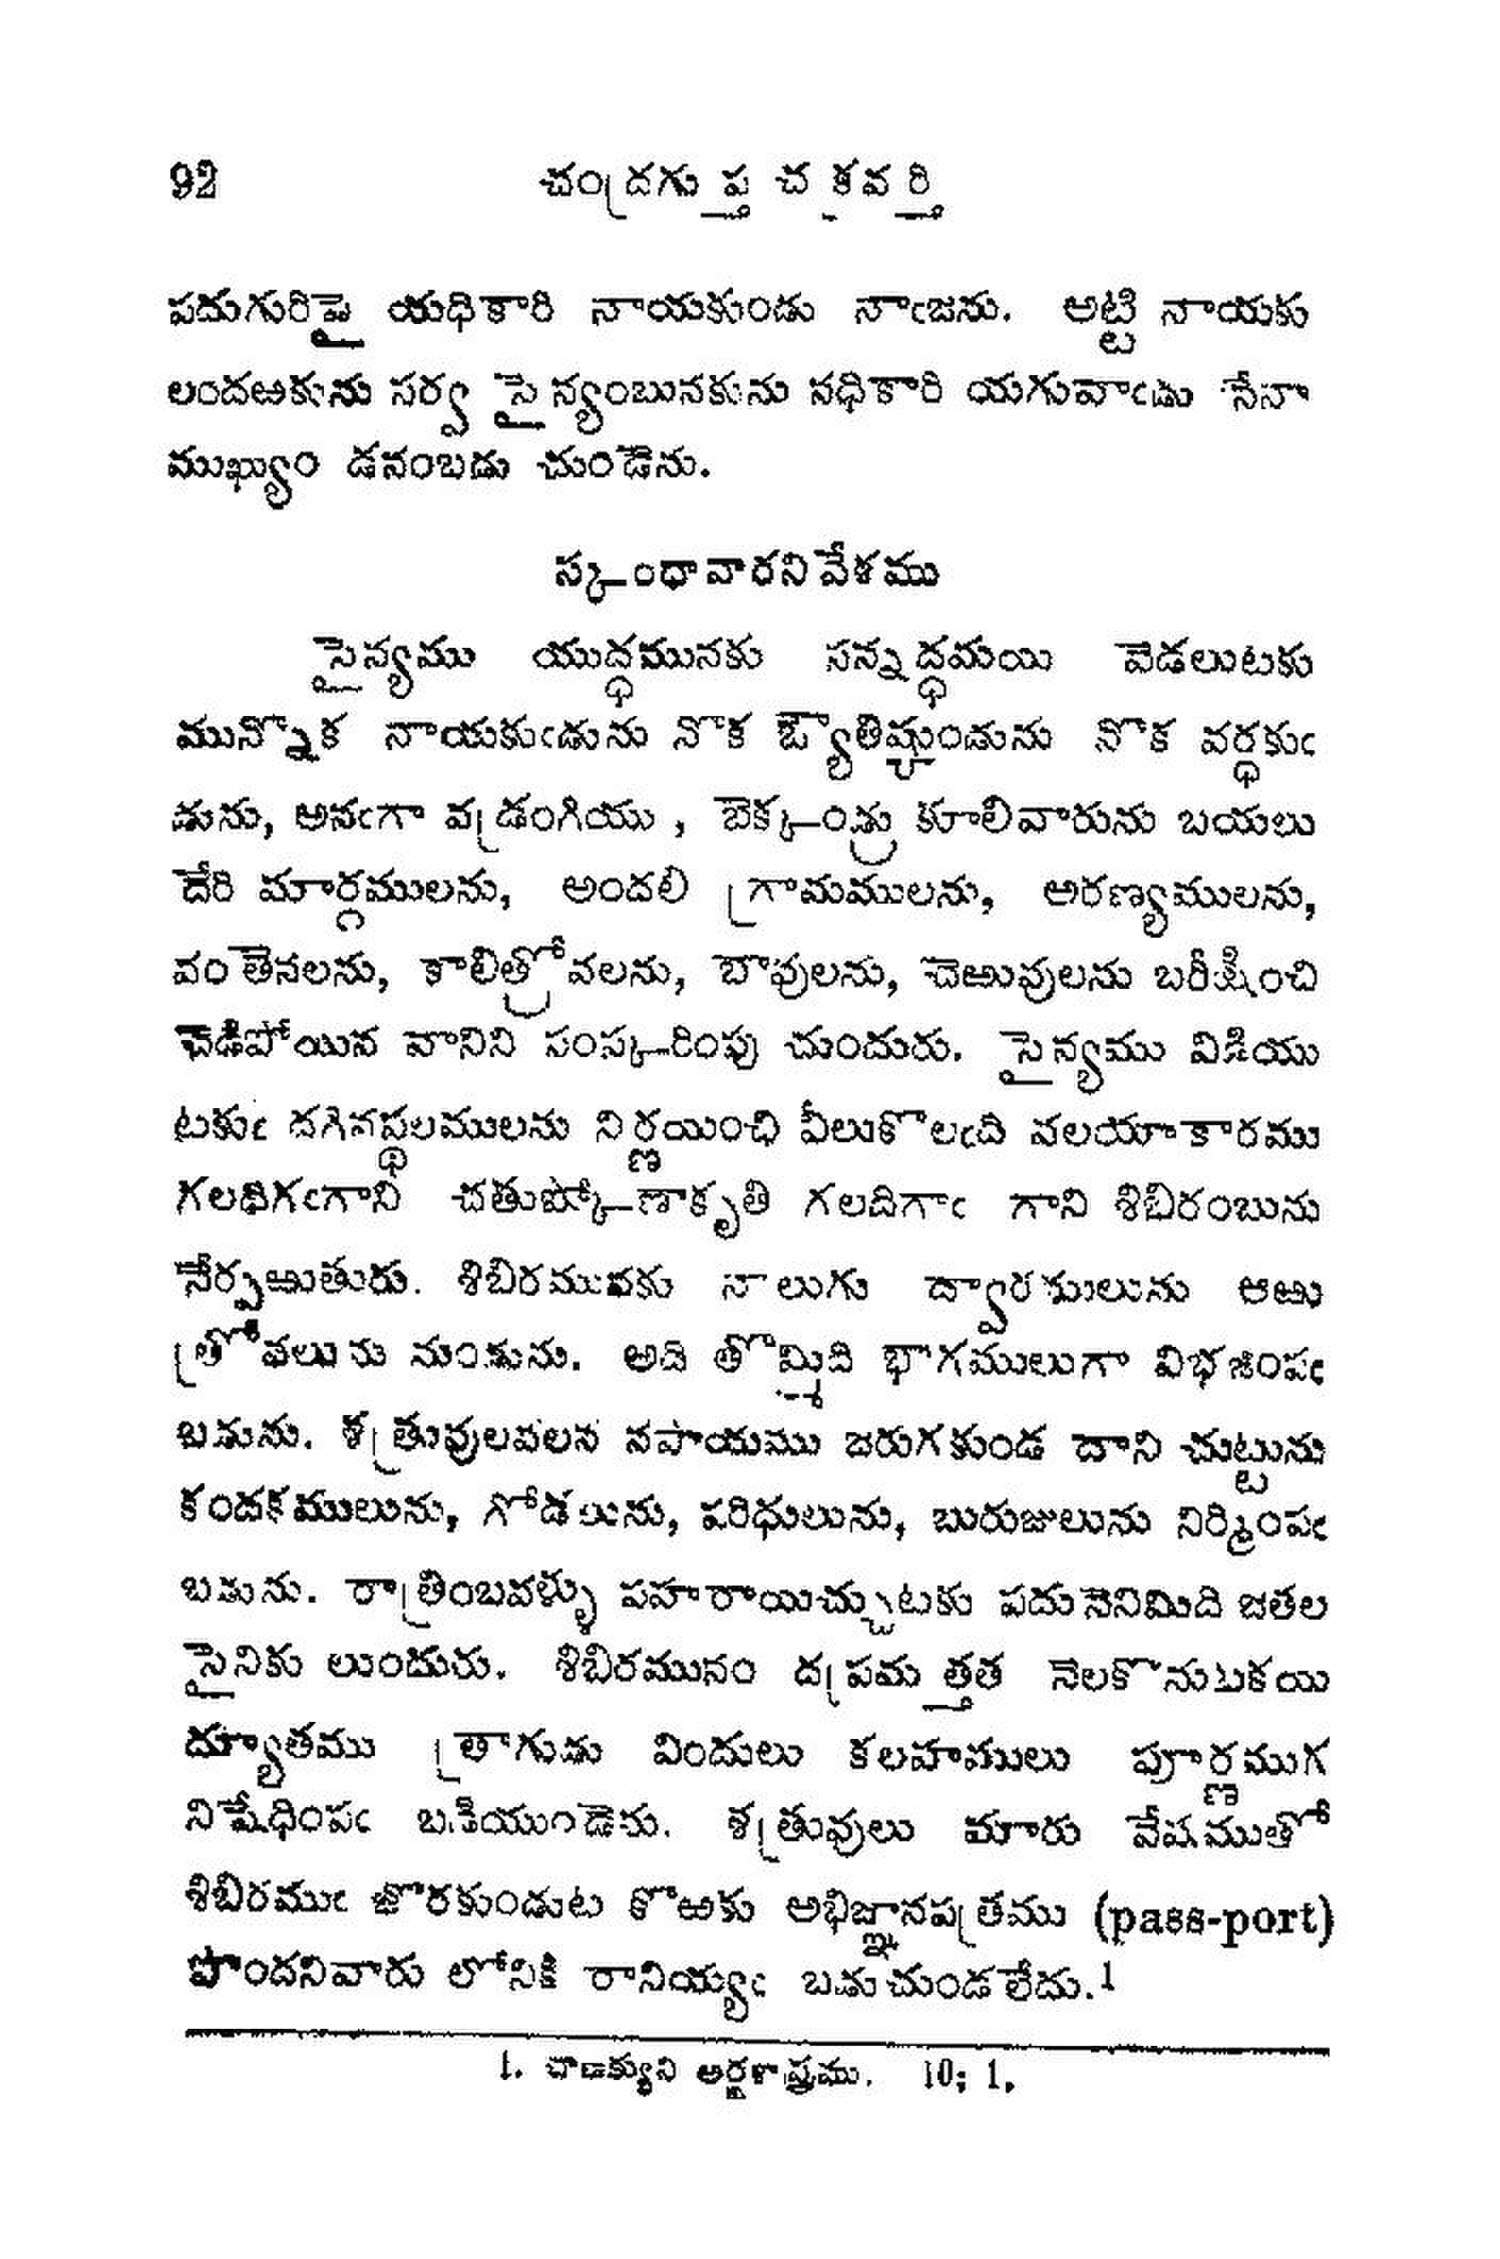పదుగురిపై యధికారి నాయకుండు నాఁజను. అట్టి నాయకులందఱకును సర్వ సైన్యంబునకును నధికారి యగువాఁడు సేనాముఖ్యుం డనంబడు చుండెను.

స్కంధావారనివేశము 

సైన్యము యుద్ధమునకు సన్నద్ధమయి వెడలుటకు మున్నొక నాయకుఁడును నొక ఔ్యతిష్కుండును నొక వర్థకుఁడును, అనఁగా వడ్రంగియు, బెక్కండ్రు కూలివారును బయలు దేరి మార్గములను, అందలి గ్రామములను, అరణ్యములను, వంతెనలను, కాలిత్రోవలను, బావులను, చెఱువులను బరీక్షించి చెడిపోయిన వానిని సంస్కరింపు చుందురు. సైన్యము విడియుటకుఁ దగినస్థలములను నిర్ణయించి వీలుకొలఁది వలయాకారము గలథిగఁగాని చతుష్కోణాకృతి గలదిగాఁ గాని శిబిరంబును నేర్పఱుతురు. శిబిరమునకు నాలుగు ద్వారములును ఆఱుత్రోవలును నుండును. అది తొమ్మిది భాగములుగా విభజింపఁబడును. శత్రువులవలన నపాయము జరుగకుండ దాని చుట్టును కందకములును, గోడలును, పరిధులును, బురుజులును నిర్మింపఁబడును. రాత్రింబవళ్ళు పహరాయిచ్చుటకు పదునెనిమిది జతల సైనికు లుందురు. శిబిరమునం దప్రమత్తత నెలకొనుటకయి ద్యూతము త్రాగుడు విందులు కలహములు పూర్ణముగ నిషేధింపఁ బడియుండెను. శత్రువులు మారు వేషముతో శిబిరముఁ జొరకుండుట కొఱకు అభిజ్ఞానపత్రము (pass-part) పొందనివారు లోనికి రానియ్యఁ బడుచుండ లేదు. 1